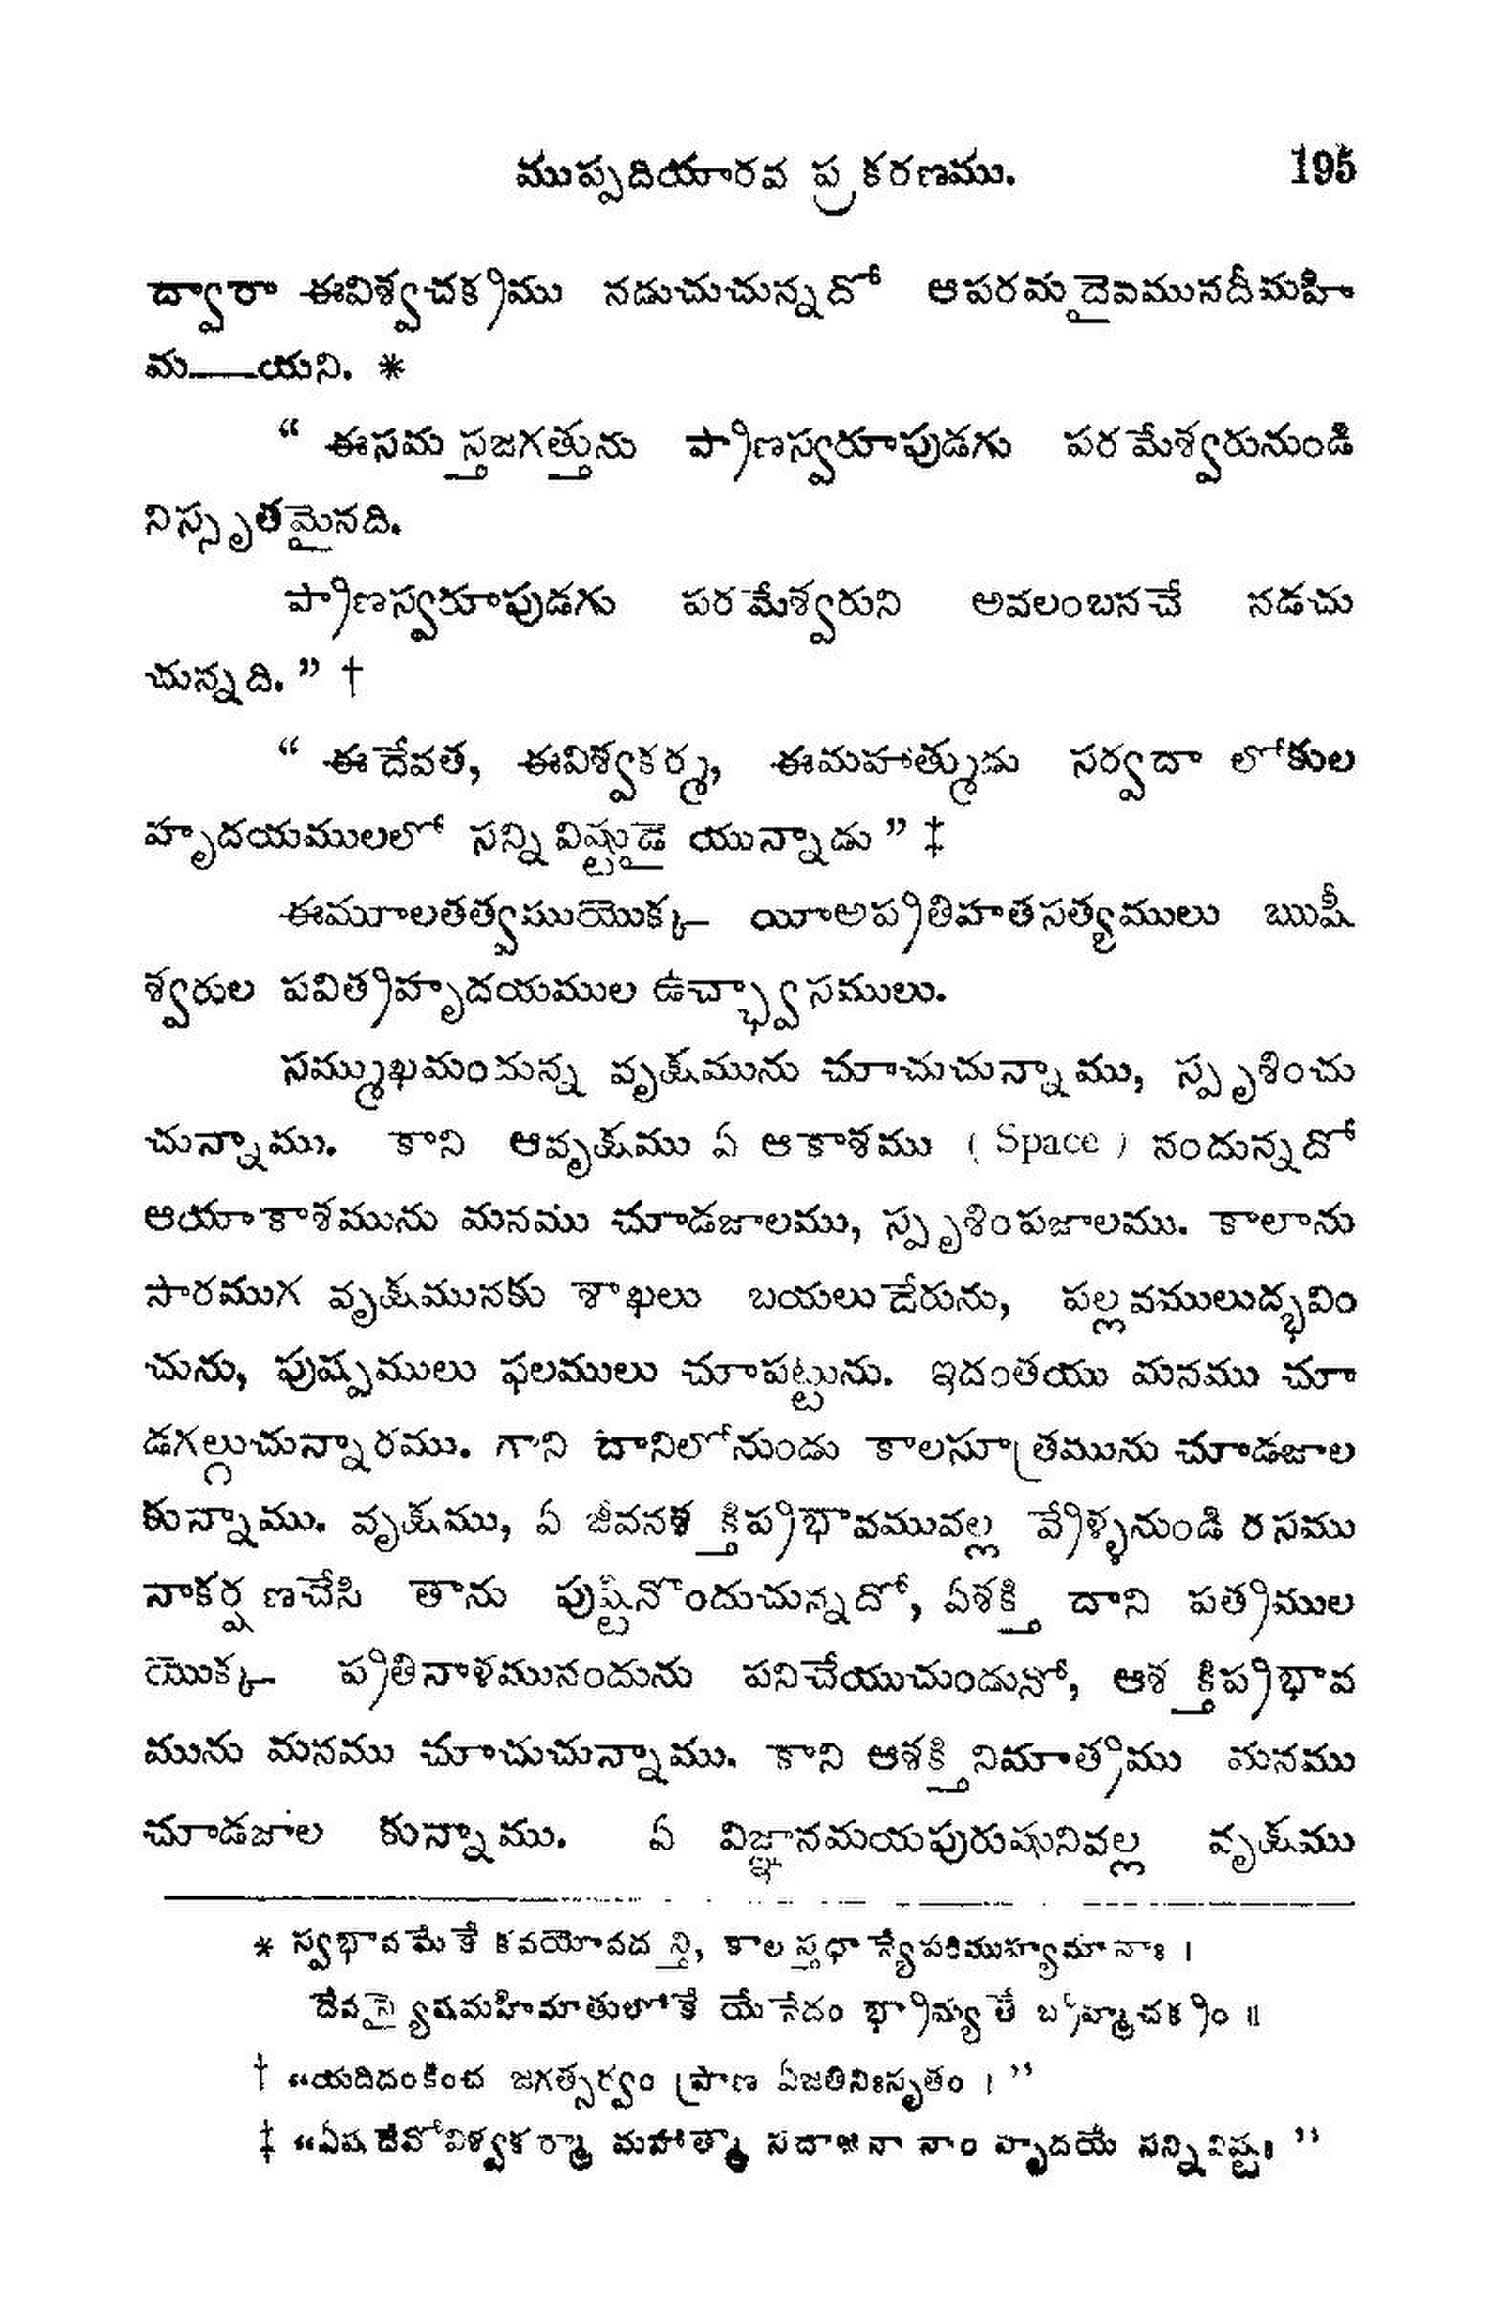ద్వారా ఈవిశ్వచక్రము నడుచుచున్నదో ఆపరమ దైవమునదీమహీ
-యనీ, *

ఈసమస్త జగత్తును ప్రాణ స్వరూపుడగు పరమేశ్వరునుండి
నిస్సృత మైనది.

ప్రాణ స్వరూపుడగు పరమేశ్వరుని అవలంబన చే నడుచు 
చున్నది. " +

ఈ దేవత, ఈ విశ్వకర్మ, ఈమహాత్ముడు సర్వదా లోకుల
హృదయములలో సన్ని విష్ణుడై యున్నాడు ”***

ఈమూలతత్వము యొక్క యీఅప్రతిహత సత్యములు ఋషీ
శ్వరుల పవిత్ర హృదయముల ఉచ్ఛ్వాసములు.

సమ్ముఖమందున్న వృక్షమును చూచుచున్నాము, స్పృశించు
చున్నాము. కాని ఆవృక్షము ఏ ఆకాశము ! Space ) సందున్నదో
ఆయాకాశమును మనము చూడజాలము, స్పృశింప జాలము. కాలాను
సారముగ వృక్షమునకు శాఖలు బయలు దేరును, పల్లవములు ద్భవిం
చును, పుష్పములు ఫలములు చూపట్టును. ఇదంతయు మనము 
చూడగల్గుచున్నారము. గాని దానిలో నుండు కాలసూత్రమును చూడజాల
కున్నాము. వృక్షము, ఏ జీవనశ క్తి ప్రభావమువల్ల వేళ్ళనుండి రసము
నాకర్షణచేసి తాను పుష్టి నొందుచున్నదో, ఏశక్తి దాని పత్రముల
యొక్క ప్రతినాళము నందును పనిచేయు చుండునో, ఆశశక్తి ప్రభావ
మును మనము చూచుచున్నాము. కాని ఆశక్తి నిమాత్రము మనము
చూడజాల కున్నాము. ఏ విజ్ఞానమయ పురుషునివల్ల వృక్షము

 

+ 

+ “